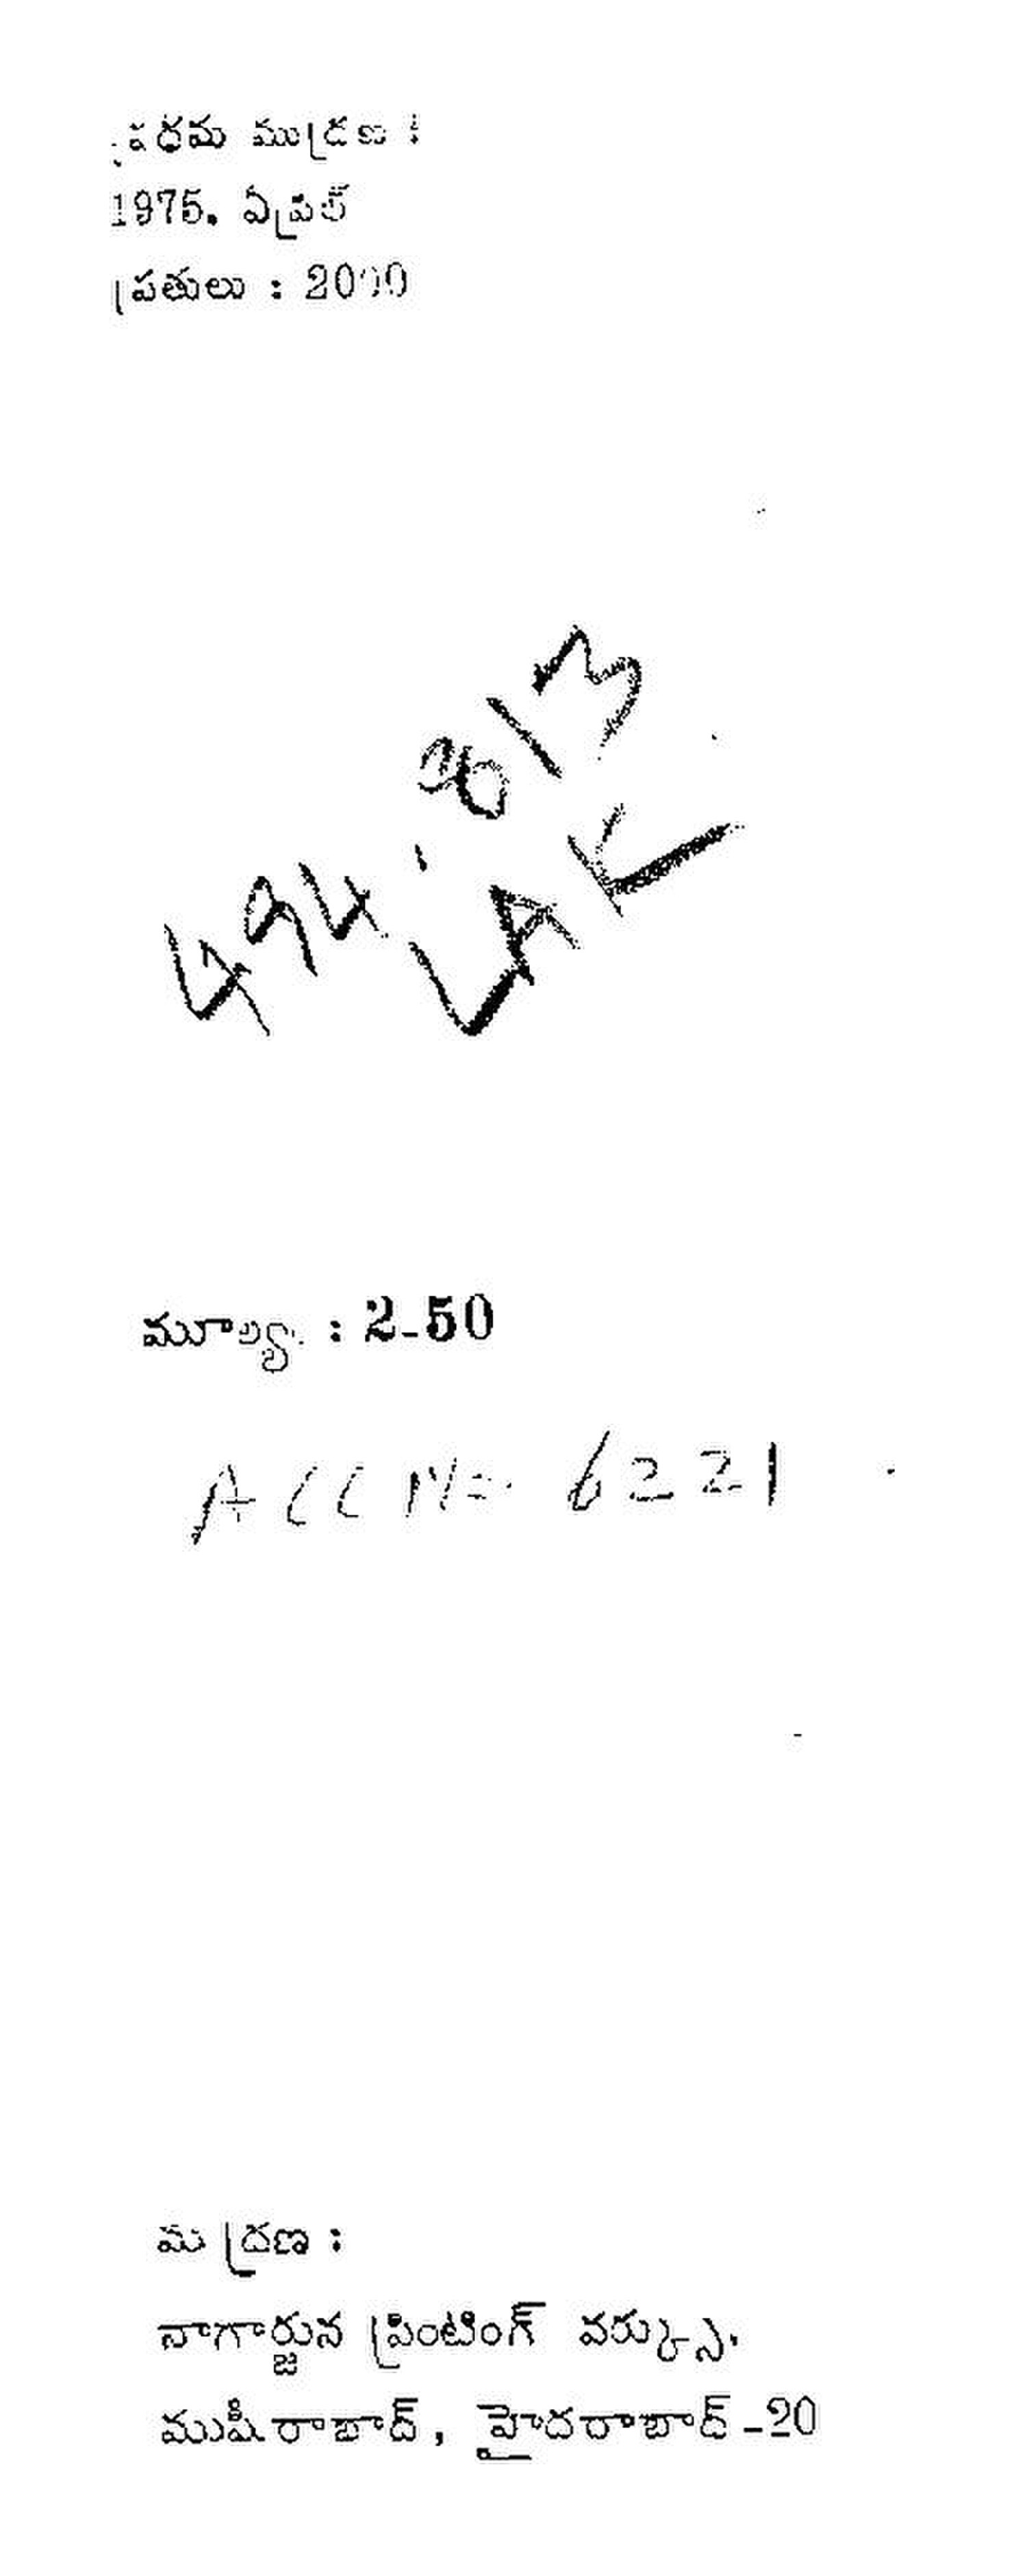ప్రథమ ముద్రణ :

1975, ఏప్రిల్ 

ప్రతులు : 2000

మూల్యం : 2.50

ముద్రణ : 

నాగార్జున ప్రింటింగ్ వర్క్సు, 

ముషీరాబాద్ , హైదరాబాద్ - 20